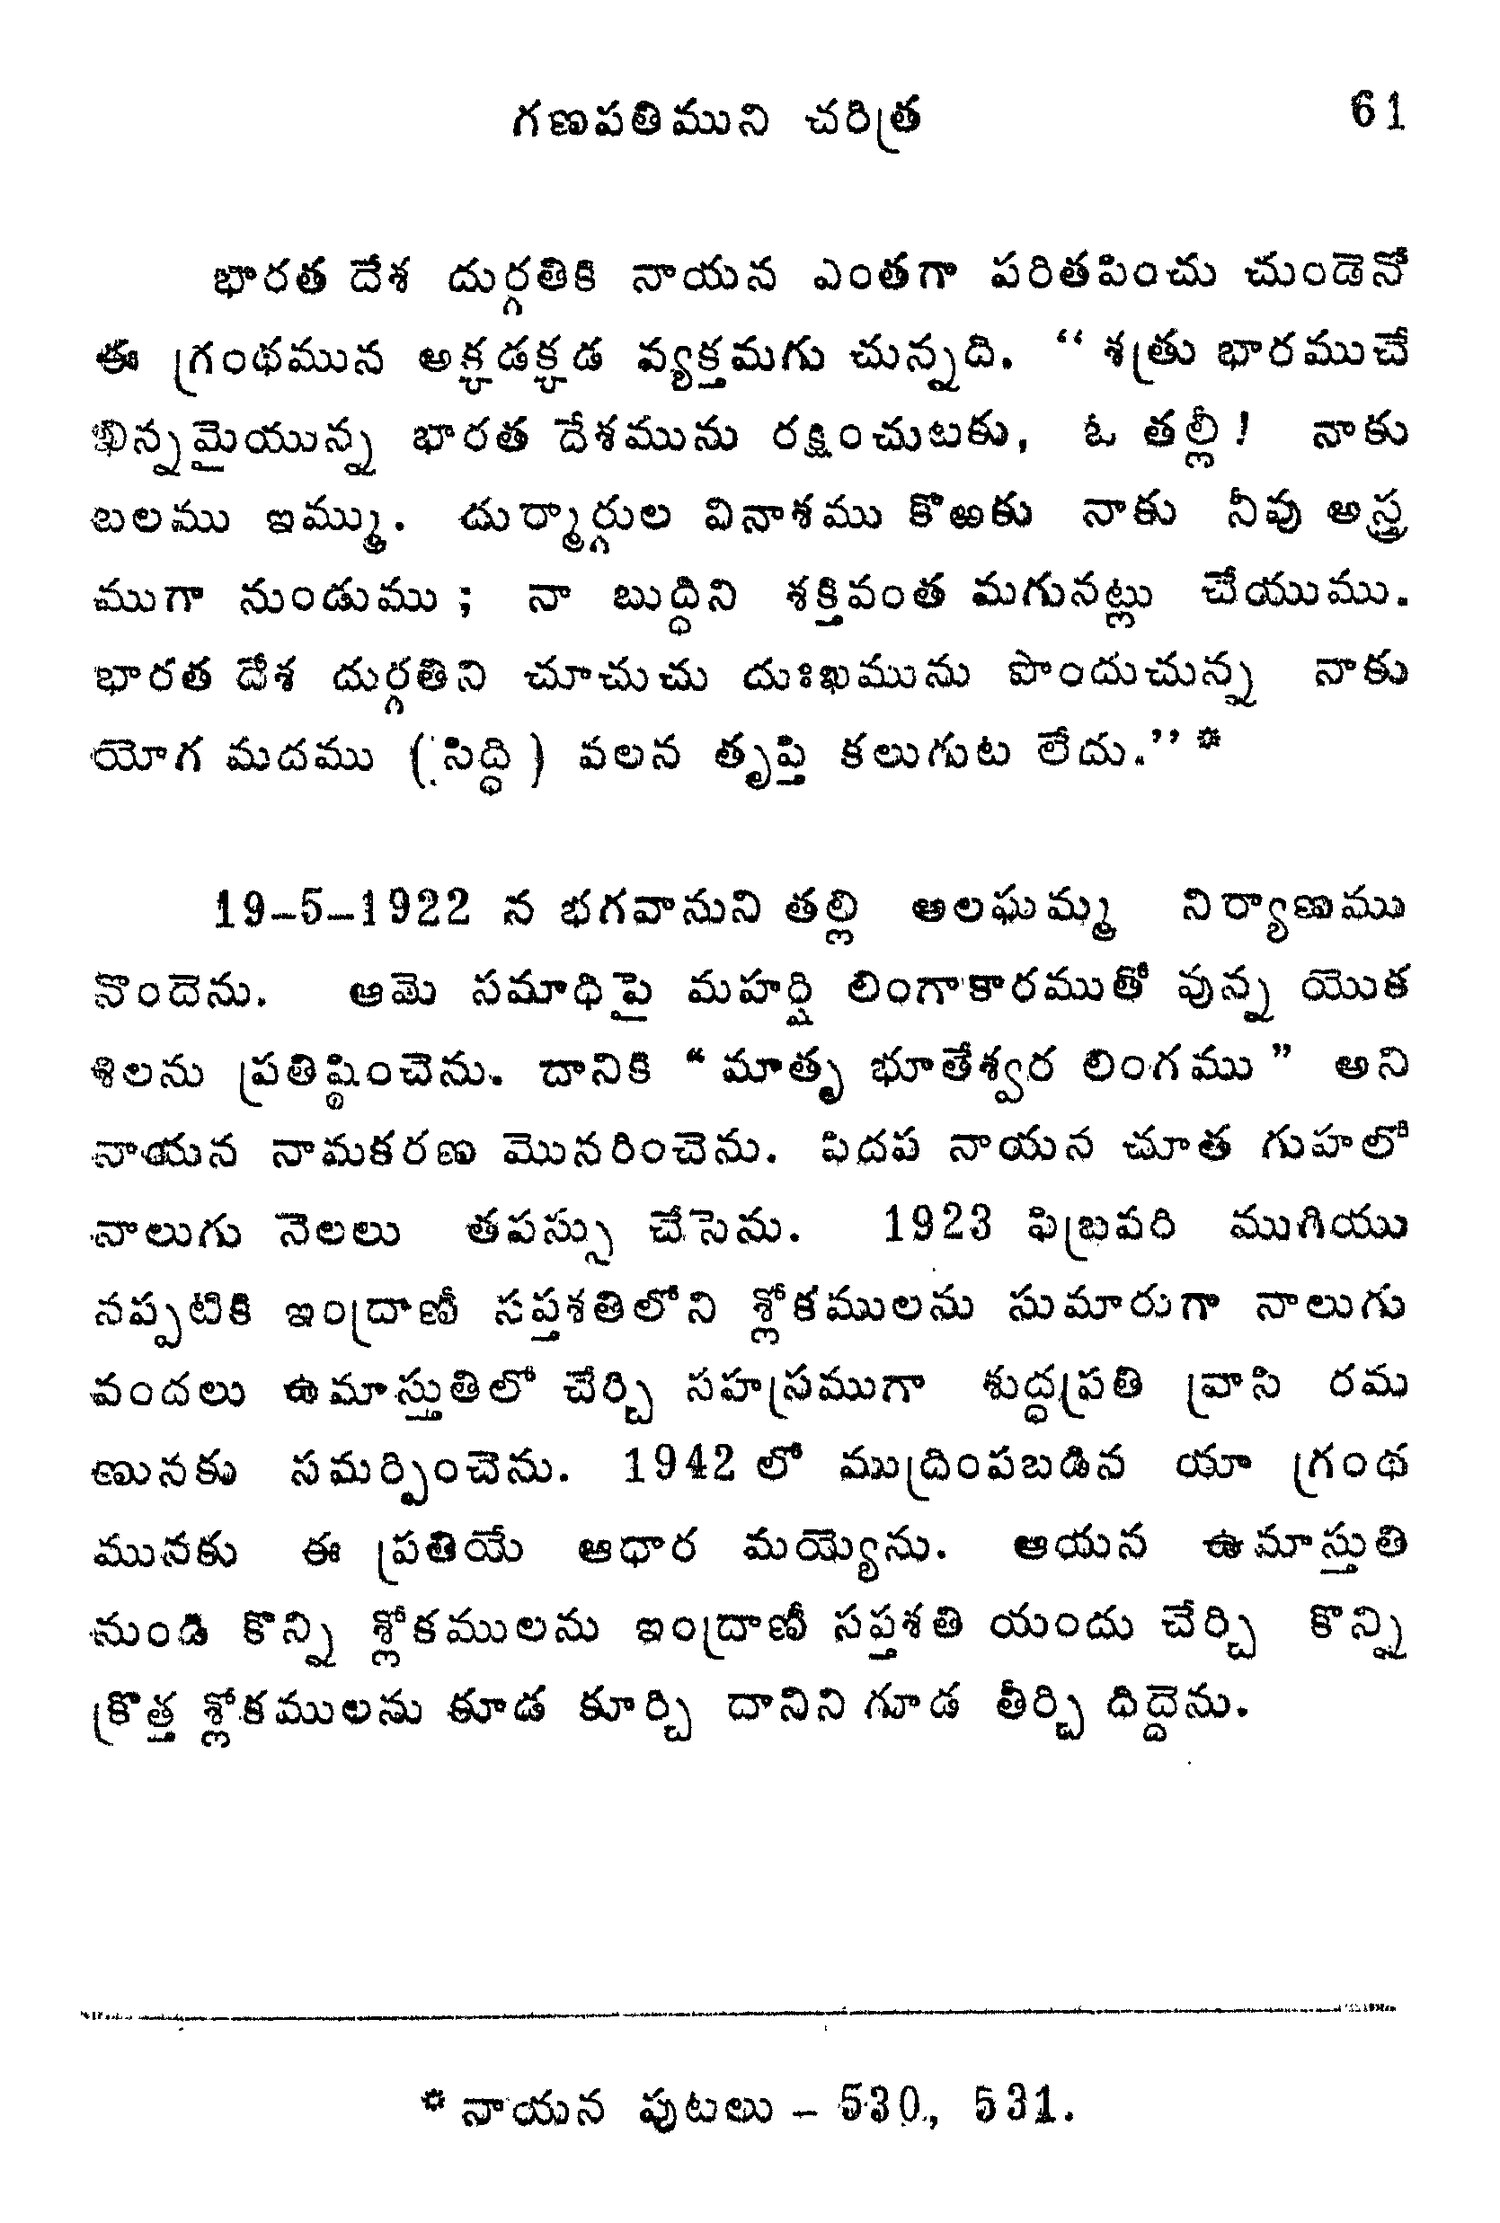భారత దేశ దుర్గతికి నాయన ఎంతగా పరితపించు చుండెనో ఈ గ్రంథమున అక్కడక్కడ వ్యక్తమగు చున్నది. "శత్రు భారముచే భిన్నమైయున్న భారత దేశమును రక్షించుటకు, ఓ తల్లీ! నాకు బలము ఇమ్ము, దుర్మార్గుల వినాశము కొఱకు నాకు నీవు అస్త్రముగా నుండుము; నా బుద్దిని శక్తివంత మగునట్లు చేయుము. భారత దేశ దుర్గతిని చూచుచు దు:ఖమును పొందుచున్న నాకు యోగ మదము (సిద్ధి) వలన తృప్తి కలుగుట లేదు."

19-5-1922 న భగవానుని తల్లి అలఘమ్మ నిర్యాణము నొందెను. ఆమె సమాధిపై మహర్షి లింగాకారముతో వున్న యొక శిలను ప్రతిష్ఠించెను. దానికి "మాతృ భూతేశ్వర లింగము" అని నాయన నామకరణము మొనరించెను. పిదప నాయన చూత గుహలో నాలుగు నెలలు తపస్సు చేసెను. 1923 ఫిబ్రవరి ముగియు నప్పటికి ఇంద్రాణి సప్తశతిలోని శ్లోకములను సుమారుగా నాలుగు వందలు ఉమాస్తుతిలో చేర్చి సహస్రముగా శుద్దప్రతి వ్రాసి రమణునకు సమర్పించెను.1942 లో ముద్రింపబడిన యా గ్రంథమునకు ఈ ప్రతియే ఆధార మయ్యెను. ఆయన ఉమాస్తుతి నుండి కొన్ని శ్లోకములను ఇంద్రాణి సప్తశతి యందు చేర్చి కొన్ని క్రొత్త శ్లోకములను కూడ కూర్చి దానిని గూడ తీర్చి దిద్దెను.